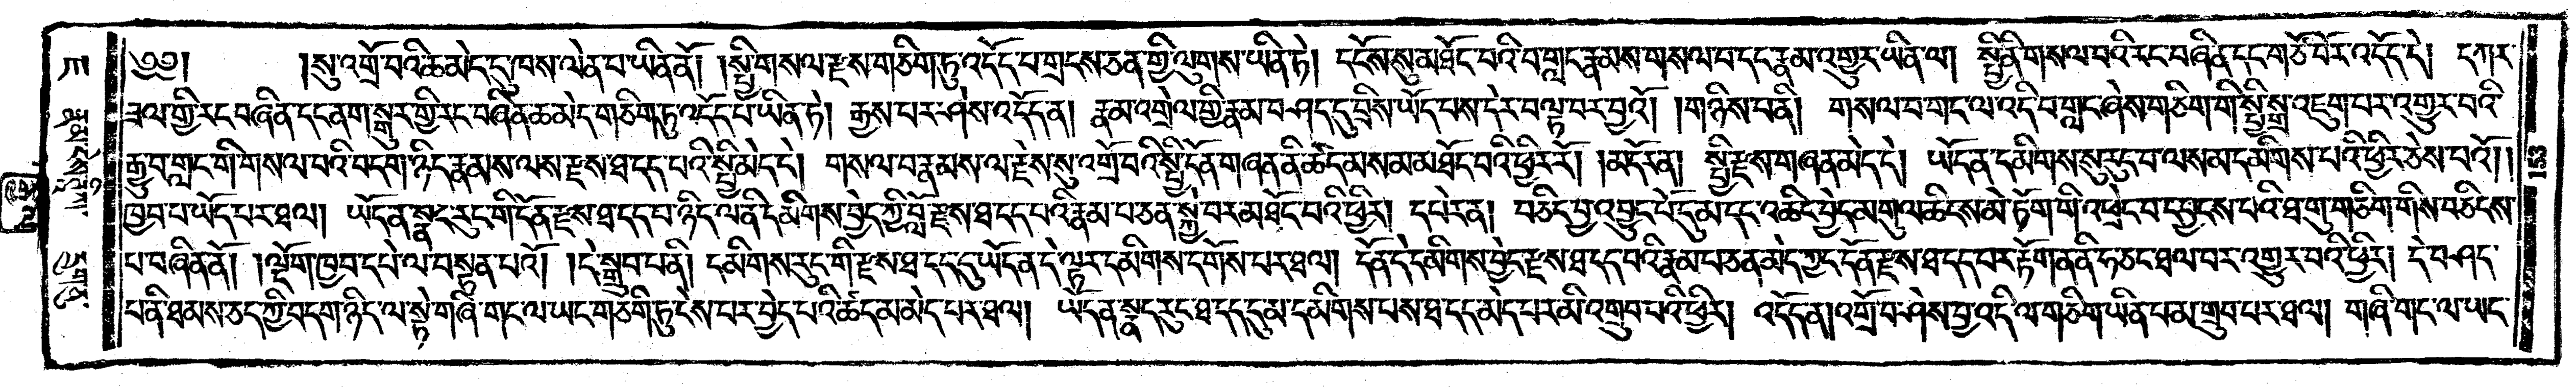༄༅། །སུ་འགྲོ་བའི་ཆ་མེད་དུ་ཁས་ལེན་པ་ཡིན་ནོ། །སྤྱི་གསལ་རྫས་གཅིག་ཏུ་འདོད་པ་གྲངས་ཅན་གྱི་ལུགས་ཡིན་ཏེ། དངོས་སུ་མཐོང་བའི་བ་གླང་རྣམས་གསལ་བ་དང་རྣམ་འགྱུར་ཡིན་ལ། སྤྱི་ནི་གསལ་བའི་རང་བཞིན་དང་གཙོ་བོར་འདོད་དེ། དཀར་
ཟལ་གྱི་རང་བཞིན་དང་ནག་སྒུར་གྱི་རང་བཞིན་ཆ་མེད་གཅིག་ཏུ་འདོད་པ་ཡིན་ཏེ། རྒྱས་པར་ཤེས་འདོད་ན། རྣམ་འགྲེལ་གྱི་རྣམ་བཤད་དུ་བྲིས་ཡོད་པས་དེར་བལྟ་བར་བྱའོ། །གཉིས་པ་ནི། གསལ་བ་གང་ལ་འདི་བ་གླང་ཞེས་གཅིག་གི་སྤྱི་སྒྲ་འཇུག་པར་འགྱུར་བའི་
རྒྱུ་བ་གླང་གི་གསལ་བའི་བདག་ཉིད་རྣམས་ལས་རྫས་ཐ་དད་པའི་སྤྱི་མེད་དེ། གསལ་བ་རྣམས་ལ་རྗེས་སུ་འགྲོ་བའི་སྤྱི་དོན་གཞན་ནི་ཚད་མས་མ་མཐོང་བའི་ཕྱིར་རོ། །མདོར་ན། སྤྱི་རྫས་གཞན་མེད་དེ། ཡོད་ན་དམིགས་སུ་རུང་བ་ལས་མ་དམིགས་པའི་ཕྱིར་ཅེས་པའོ།།
ཁྱབ་པ་ཡོད་པར་ཐལ། ཡོད་ན་སྣང་རུང་གི་དོན་རྫས་ཐ་དད་པ་ཉིད་ལ་ནི་དམིགས་བྱེད་ཀྱི་བློ་རྫས་ཐ་དད་པའི་རྣམ་པ་ཅན་སྐྱེ་བར་མཐོང་བའི་ཕྱིར། དཔེར་ན། བཅིང་བྱ་འབྱུང་པོ་དུ་མ་དང་འཆིང་བྱེད་མགུལ་ཆིངས་མེ་ཏོག་གི་འཕྲེང་བ་དབྱངས་པའི་ཐ་གུ་གཅིག་གིས་བཅིངས་
པ་བཞིན་ནོ། །ལྡོག་ཁྱབ་དཔེ་ལ་བསྟན་པའོ། །དེ་སྒྲུབ་པ་ནི། དམིགས་རུང་གི་རྫས་ཐ་དད་དུ་ཡོད་ན་དེ་ལྟར་དམིགས་དགོས་པར་ཐལ། དོན་དེ་དམིགས་བྱེད་རྫས་ཐ་དད་པའི་རྣམ་པ་ཅན་མེད་ཀྱང་དོན་རྫས་ཐ་དད་པར་རྟོག་ན་ནི་ཧ་ཅང་ཐལ་བར་འགྱུར་བའི་ཕྱིར། དེ་བཤད་
པ་ནི་ཐམས་ཅད་ཀྱི་བདག་ཉིད་ལ་སྟེ་གཞི་གང་ལ་ཡང་གཅིག་ཏུ་ངེས་པར་བྱེད་པའི་ཚད་མ་མེད་པར་ཐལ། ཡོད་ན་སྣད་རུང་ཐ་དད་དུ་མ་དམིགས་པས་ཐ་དད་མེད་པར་མི་འགྲུབ་པའི་ཕྱིར། འདོད་ན། འགྲོ་བ་ཤེས་བྱ་འདི་ལ་གཅིག་ཡིན་པ་མ་གྲུབ་པར་ཐལ། གཞི་གང་ལ་ཡང་